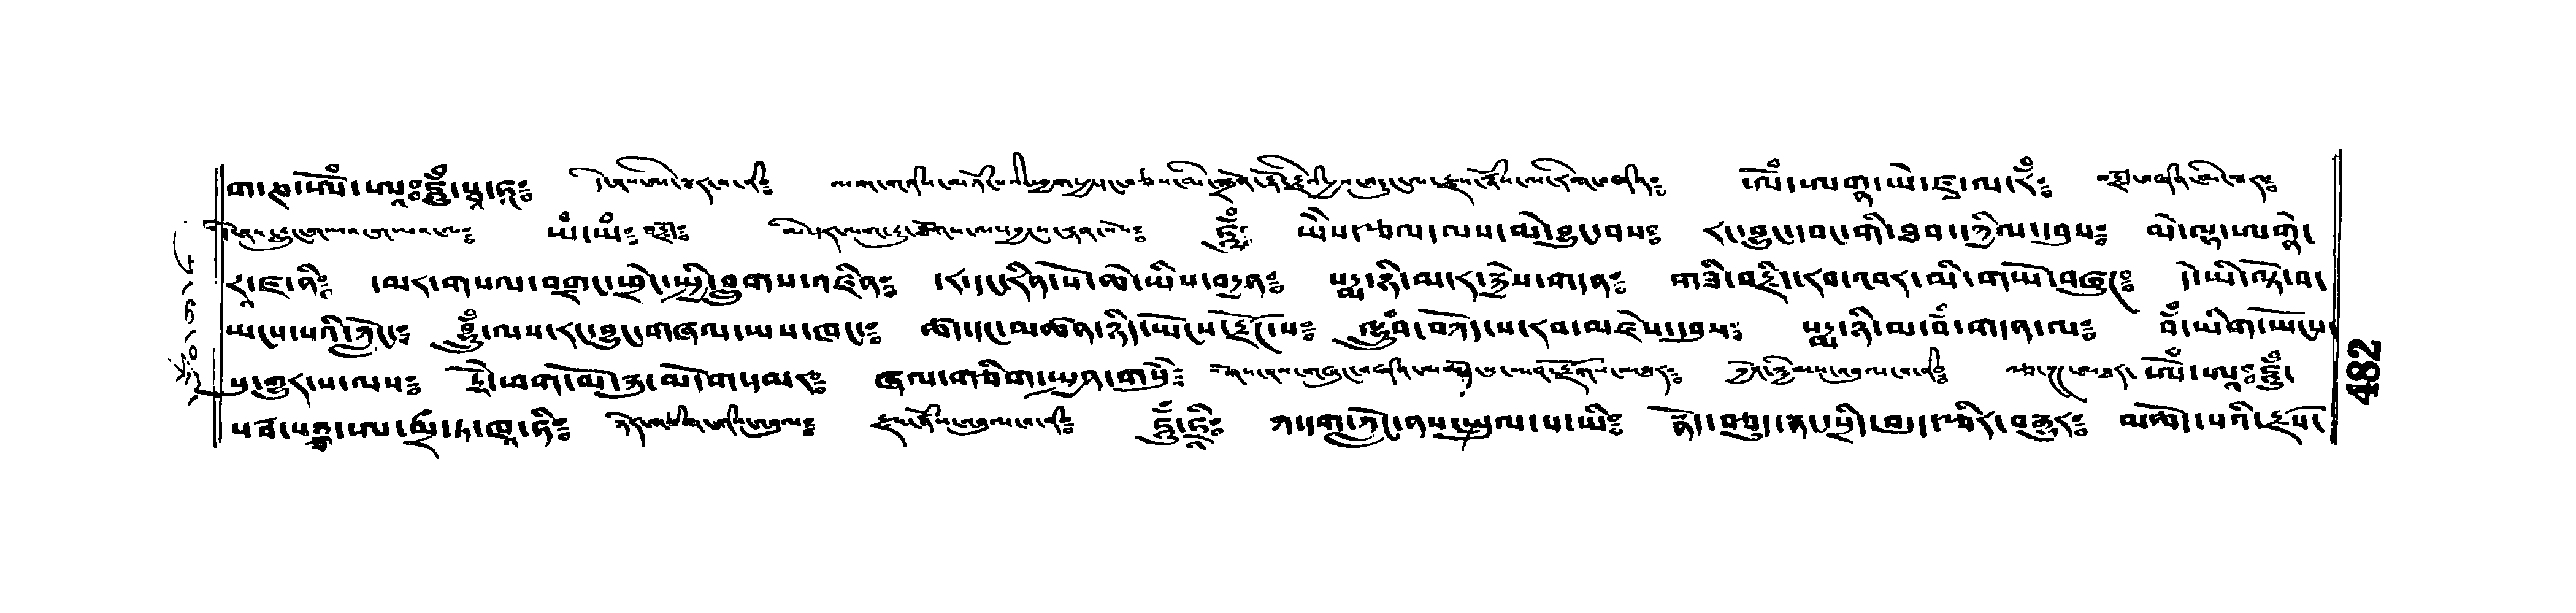ག་ཎ་ཨོཾ་ཨཱཿཧཱུྃ་སྭཱ་ཧཱ༔ དེ་ནས་མཻ་སྦར་བ་ནི༔ ལག་གཉིས་མཉམ་པའི་ཕྱག་རྒྱ་དང་བཅས་མེ་སྒྲོན་རྡོ་རྗེའི་རྒྱས་བཟུང་ལ་རྫས་རྣམས་ལ་རེག་བཞིན༔ ཨོཾ་ཨགྣ་ཡེ་ཛྭ་ལ་རྃ༔ བརྗོད་བཞིན་མེ་སྦར༔ 
དེ་ནས་རླུང་གཡབ་གཡབ་ལ༔ ཡཾ་ཡཾ༔ བརྗོད༔ མེ་དར་ལག་ཏུ་ཐོགས་ལ་དབྱངས་སྙན་པོས༔ ཧཱུྃ༔ ཡེ་ཤེས་རྩལ་ལས་མེ་བྱུང་བས༔ རང་བྱུང་དབང་གི་ཐབ་དཀྱིལ་དབུས༔ མེ་ལྷ་ཨགྣེ་
རཱ་ཛ་ནི༔ དམར་གསལ་བགྲང་ཕྲེང་སྤྱི་བླུགས་འཛིན༔ དར་དང་རིན་པོ་ཆེ་ཡིས་བརྒྱན༔ པདྨ་ཉི་མ་ར་སྐྱེས་གདན༔ གཟི་བརྗིད་རབ་འབར་མི་གཡོ་བཞུགས༔ དེ་ཡི་ལྟོ་བ་
ཡངས་པའི་ཀློང༔ བྷྲཱུྃ་ལས་རང་བྱུང་གཞལ་ཡས་ཁང༔ ཚད་དང་མཚན་ཉིད་ཡོངས་རྫོགས་པ༔ ལྷུན་གྲུབ་བཀོད་པ་རབ་མཛེས་དབུས༔ པདྨ་ཉི་མ་བམ་གདན་ལ༔ བྃ་ཡིག་ཡོངས་
སུ་གྱུར་པ་ལས༔ རྡོ་རྗེ་ཕག་མོ་སྐུ་མདོག་དམར༔ ཞལ་གཅིག་སྤྱན་གསུམ༴ སོགས་ནས་གཞུང་བཞིན་མཆོད་པ་ཡན་རྫོགས་མཐར༔ བྱོན་སྐྱེམས་འབུལ་བ་ནི༔ རྩ་སྔགས་མཐར༔ ཨོཾ་ཨཱཿཧཱུྃ་
སརྦ་པཉྩ་ཨ་མྲྀ་ཏ་ཁཱ་ཧི༔ ཉེར་གཅིག་གིས་འབུལ༔ རྫས་རྣམས་འབུལ་བ་ནི༔ ཧཱུྃ་ཧྲཱིཿ ཀ་དག་ཀློང་ནས་སྤྲུལ་པ་ཡི༔ སྣོད་བཅུད་སྣང་སྲིད་བདུད་རྩིར་བསྒྱུརཿ མཆོད་པའི་རྫས་